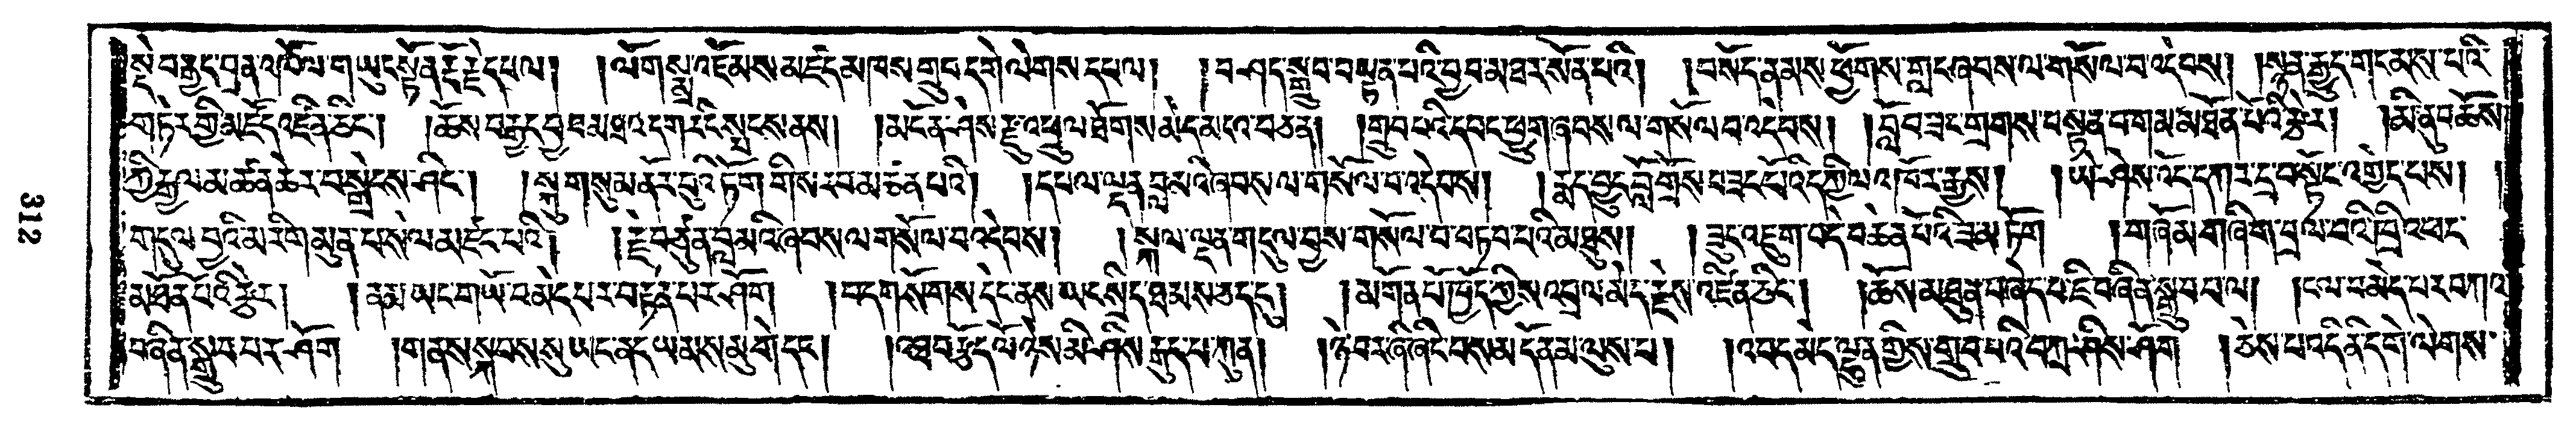སྡེ་བརྒྱད་བྲན་འཁོལ་གཡུང་སྟོན་རྡོ་རྗེ་དཔལ། །ལོག་སྨྲ་འཇོམས་མཛད་མཁས་གྲུབ་དགེ་ལེགས་དཔལ། །བཤད་སྒྲུབ་བསྟན་པའི་བྱ་བ་མཐར་སོན་པའི། །བསོད་ནམས་ཕྱོགས་གླང་ཞབས་ལ་གསོལ་བ་འདེབས། །སྙན་རྒྱུད་གདམས་པའི་
གཏེར་གྱི་མཛོད་འཛིན་ཅིང་། །ཆོས་བརྒྱད་བྱ་བ་མཐའ་དག་རིང་སྤངས་ནས། །མངོན་ཤེས་རྫུ་འཕྲུལ་ཐོགས་མེད་མངའ་བ་ཅན། །གྲུབ་པའི་དབང་ཕྱུག་ཞབས་ལ་གསོལ་བ་འདེབས། །བློ་བཟང་གྲགས་བསྟན་བ་གམ་མཐོན་པོའི་རྩེར། །མི་ནུབ་ཆོས་
ཀྱི་རྒྱལ་མཚན་ཆེར་བསྒྲེངས་ཤིང་། །སྐུ་གསུམ་ནོར་བུའི་ཏོག་གིས་རབ་མཚན་པའི། །དཔལ་ལྡན་བླ་མའི་ཞབས་ལ་གསོལ་བ་འདེབས། །རྨད་བྱུང་བློ་གྲོས་བཟང་པོའི་དཀྱིལ་འཁོར་རྒྱས། །ཡེ་ཤེས་འོད་དཀར་དྲ་བ་སྟོང་འགྱེད་པས། །
གདུལ་བྱའི་མ་རིག་མུན་པ་སེལ་མཛད་པའི། །རྗེ་བཙུན་བླ་མའི་ཞབས་ལ་གསོལ་བ་འདེབས། །སྐལ་ལྡན་གདུལ་བྱས་གསོལ་བ་བཏབ་པའི་མཐུས། །ཟུང་འཇུག་བདེ་བ་ཆེན་པོའི་ཟ་མ་ཏོག །གཞོམ་གཞིག་པྲལ་བའི་ཁྲི་འཕང་
མཐོན་པོའི་རྩེར། །ནམ་ཡང་གཡོ་བ་མེད་པར་བརྟན་པར་ཤོག །བདག་སོགས་དེང་ནས་ཡང་སྲིད་ཐམས་ཅད་དུ། །མགོན་པོ་ཁྱོད་ཀྱིས་འབྲལ་མེད་རྗེས་འཛིན་ཅིང་། །ཆོས་མཐུན་བཞེད་པ་ཇི་བཞིན་སྒྲུབ་པ་ལ། །ངལ་བ་མེད་པར་བཀའ་
བཞིན་སྒྲུབ་པར་ཤོག །གནས་སྐབས་སུ་ཡང་ནང་ཡམས་མུ་གེ་དང་། །འཐབ་རྩོད་ལོ་ཉེས་མི་ཤིས་རྒུད་པ་ཀུན། །ཉེ་བར་ཞི་ཞིང་བསམ་དོན་མ་ལུས་པ། །འབད་མེད་ལྷུན་གྱིས་གྲུབ་པའི་བཀྲ་ཤིས་ཤོག །ཅེས་པ་འདི་ནི་དགེ་ལེགས་